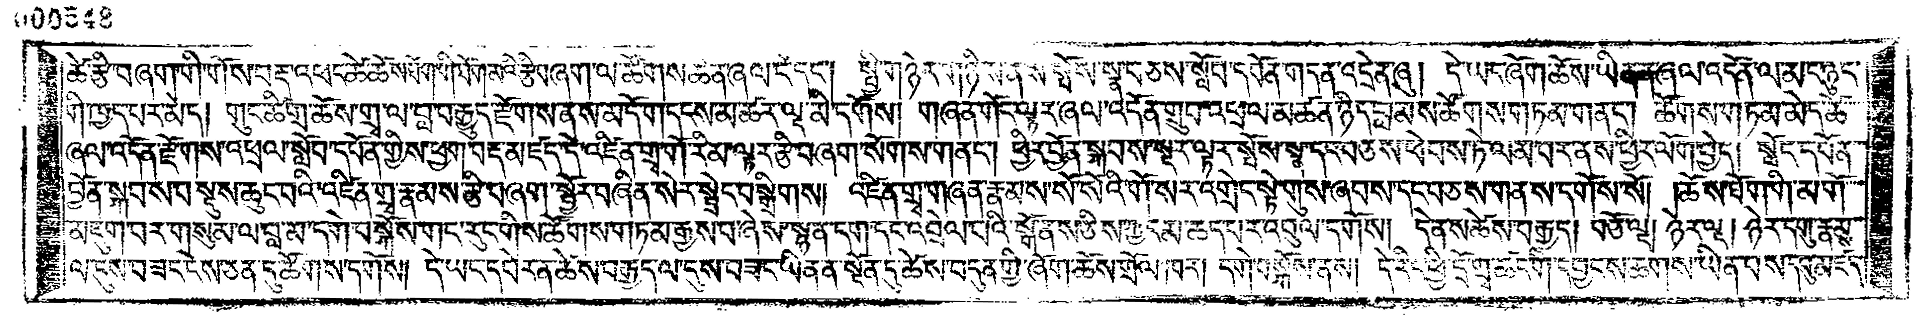ཚེ་རྩི་བཞག་གི་གོས་བརྡ་འཕང་ཚེ་ཆོས་ཐོག་གི་ཐོག་མའི་རྩི་བཞག་ལ་ཚོགས་ཆེན་ཞལ་ངོ་དང་། སྤྱི་གཉེར་གཉིས་ནས་སྤོས་སྣ་བཅས་སློབ་དཔོན་གདན་འདྲེན་ཞུ། དེ་ཡང་ཞོག་ཆོས་ཡིན་ན་ཞལ་འདོན་ལ་མང་ཉུང་
གི་ཁྱད་པར་མེད། གུང་ཚིག་གྲ་ཆོས་གྲྭ་ལ་བླ་བརྒྱུད་རྫོགས་ནས་མདོ་གདངས་མ་ཚར་ལྔ་མི་དགོས། གཞན་གོང་ལྟར་ཞལ་འདོན་གྲུབ་འཕྲལ་མཚན་ཉིད་བླ་མས་ཚོགས་གཏམ་གནང་། ཚོགས་གཏམ་མེད་ཚེ་
ཞལ་འདོན་རྫོགས་འཕྲལ་སློབ་དཔོན་གྱིས་ཕྱག་བརྡ་མཛད་དེ་འཛིན་གྲྭ་གོ་རིམ་ལྟར་རྩི་བཞག་སོགས་གནང་། ཕྱིར་བྱོན་སྐབས་སྔར་ལྟར་སྤོས་སྣ་དང་བཅས་ཕེབས་ཏེ་ལམ་བར་ནས་ཕྱིར་ལོག་བྱེད། སློང་དཔོན་
བྱོན་སྐབས་བསྡུས་ཆུང་བའི་འཛིན་གྲྭ་རྣམས་རྩི་བཞག་སྦྱོར་བཞིན་སེར་སྦྲེང་བསྒྲིགས། འཛིན་གྲྭ་གཞན་རྣམས་སོ་སོའི་གོ་སར་འགྲེང་སྟེ་གུས་ཞབས་དང་བཅས་གནས་དགོས་སོ། །ཆོས་ཐོག་གི་མགོ་
མཇུག་བར་གསུམ་ལ་བླ་མ་དགེ་བསྐོས་གང་རུང་གིས་ཚོགས་གཏམ་རྒྱས་བ་ཞེས་སྙན་ངག་དང་འབྲེལ་བའི་སྒོ་ནས་ཅིས་ཀྱང་མ་ཆད་པར་འབུལ་དགོས། དེ་ནས་ཚེས་བརྒྱད། བཅོ་ལྔ། ཉེར་ལྔ། ཉེར་དགུ་རྣམས་
ལ་དུས་བཟང་ངེས་ཅན་དུ་ཚོགས་དགོས། དེ་ཡང་དཔེར་ན་ཚེས་བརྒྱད་ལ་དུས་བཟང་ཡིན་ན་སྔོན་དུ་ཚེས་བདུན་གྱི་ཞོག་ཆོས་གྲོལ་ཁར། དགེ་བསྐོས་ནས། དེ་རིང་ཕྱི་དྲོ་གྲྭ་ཚང་གི་དབྱངས་ཆགས་ཡིན་པས་དབུ་མཛད་